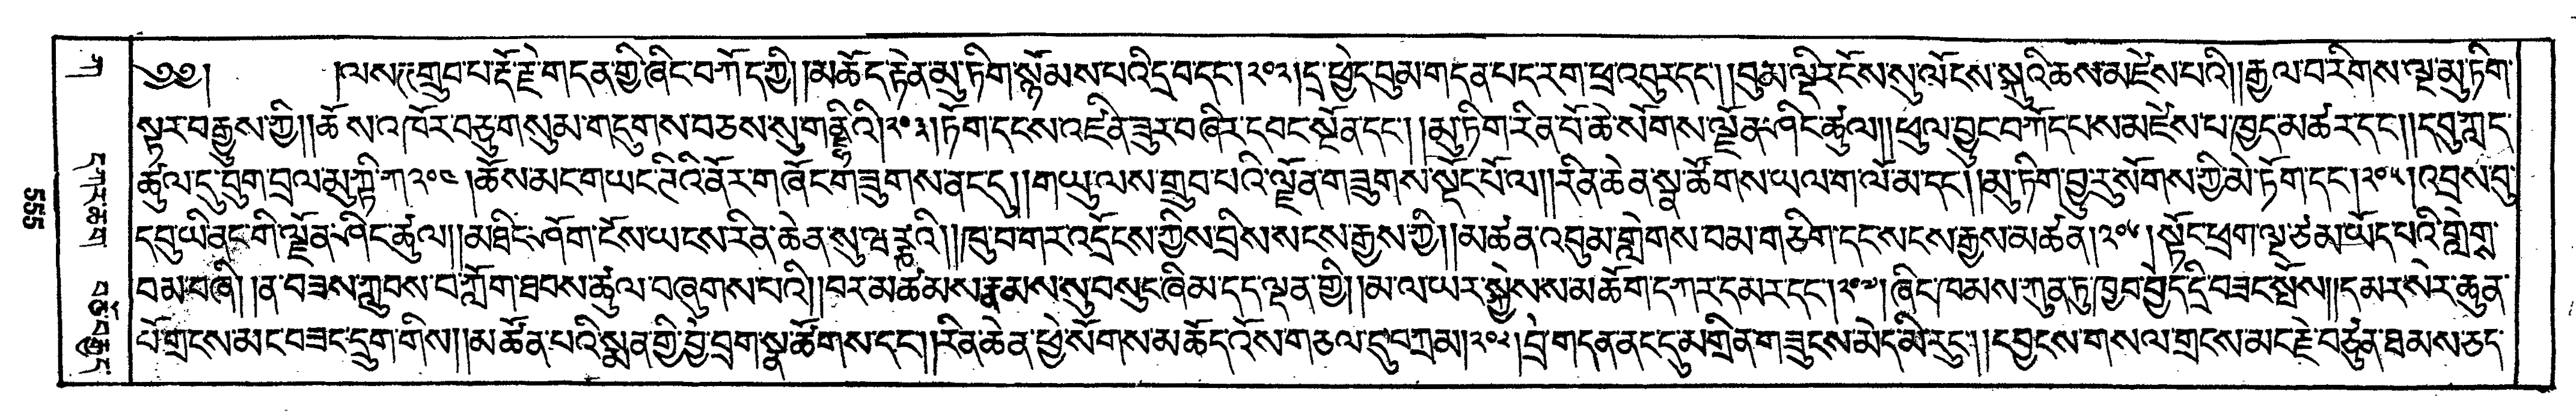༄༅། །ལས༑ ༑གྲུབ་པ་རྡོ་རྗེ་གདན་གྱི་ཞིང་བཀོད་ཀྱི། །མཆོད་རྟེན་མུ་ཏིག་སྙོམས་པའི་དྲ་བ་དང་། ༢༠༢་།དྲ་ཕྱེད་བུམ་གདན་པད་རག་ཕྲ་འབུར་དང་། །བུམ་ལྡིར་ངོས་སུ་ལོངས་སྐུའི་ཆས་མཛེས་པའི། །རྒྱལ་བ་རིགས་ལྔ་མུ་ཏིག་
སྟར་བརྒྱུས་ཀྱི། །ཆོས་འཁོར་བཅུ་གསུམ་གདུགས་བཅས་སུ་གནྡྷིའི། ༢༠༣་།ཏོག་དང་ས་འཛིན་ཟུར་བཞིར་དབང་སྔོན་དང་། །མུ་ཏིག་རིན་པོ་ཆེ་སོགས་ལྗོན་ཤིང་ཚུལ། །ཕུལ་བྱུང་བཀོད་པས་མཛེས་པ་ཁྱད་མཚར་དང་། །དབུ་ཀླད་
ཚུལ་དུ་བུག་བྲལ་མུཀྟི་ཀ ༢༠༤་།ཆེས་མང་གཡང་ཊིའི་ནོར་གཞོང་གཟུགས་ནང་དུ། །གཡུ་ལས་གྲུབ་པའི་ལྗོན་གཟུགས་སྡོང་པོ་ལ། །རིན་ཆེན་སྣ་ཚོགས་ཡལ་ག་ལོ་མ་དང་། །མུ་ཏིག་བྱུ་རུ་སོགས་ཀྱི་མེ་ཏོག་དང་། ༢༠༥་།འབྲས་བུ་
དབུ་ཡི་ནང་གི་ལྗོན་ཤིང་ཚུལ། །མཐིང་ཤོག་ངོས་ཡངས་རིན་ཆེན་སུ་ཝརྞའི། །ཁུ་བ་གར་འདྲོངས་ཀྱིས་བྲིས་སངས་རྒྱས་ཀྱི། །མཚན་འབུམ་གླེགས་བམ་གཅིག་དང་སངས་རྒྱས་མཚན། ༢༠༦་།སྟོང་ཕྲག་ལྔ་ཙམ་ཡོད་པའི་གླེགས་
བམ་བཞི། །ན་བཟས་ཀླུབས་པ་ཀློག་ཐབས་ཚུལ་བཞུགས་པའི། །བར་མཚམས་རྣམས་སུ་བསུང་ཞིམ་དད་ལྡན་གྱི། །མ་ལ་ཡར་སྐྱེས་ས་མཆོག་དཀར་དམར་དང་། ༢༠༧་།ཞིང་ཁམས་ཀུན་ཏུ་ཁྱབ་བྱེད་དྲི་བཟང་སྤོས། །དམར་སེར་ཆུ་ན་
པོ་གྲངས་མང་བཟང་དྲུག་གིས། །མཚོན་པའི་སྨན་གྱི་བྱེ་བྲག་སྣ་ཚོགས་དང་། །རིན་ཆེན་ཕྱེ་སོགས་མཆོད་འོས་གཅལ་དུ་བཀྲམ། ༢༠༨་།བྲེ་གདན་ནང་དུ་མགྲིན་གཟུངས་མེད་མི་རུང་། །དབྱངས་གསལ་གྲངས་མང་རྗེ་བཙུན་ཐམས་ཅད་